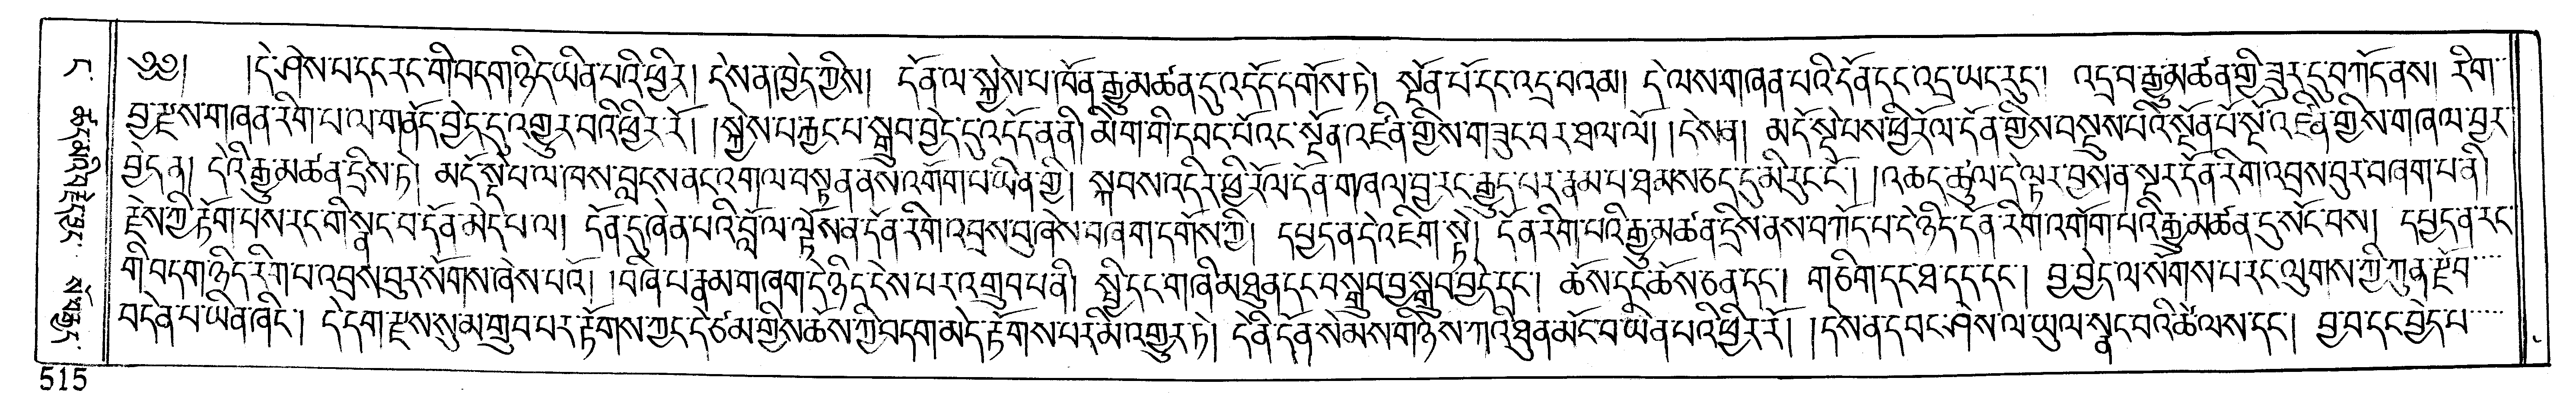༄༅། །དེ་ཤེས་པ་དང་རང་གི་བདག་ཉིད་ཡིན་པའི་ཕྱིར། དེས་ན་ཁྱེད་ཀྱིས། དོན་ལ་སྐྱེས་པ་ཁོ་ན་རྒྱུ་མཚན་དུ་འདོད་དགོས་ཏེ། སྔོན་པོ་དང་འདྲ་བའམ། དེ་ལས་གཞན་པའི་དོན་དང་འདྲ་ཡང་རུང་། འདྲ་བ་རྒྱུ་མཚན་གྱི་ཟུར་དུ་བཀོད་ནས། རིག་
བྱ་རྫས་གཞན་རིག་པ་ལ་གནོད་བྱེད་དུ་འགྱུར་བའི་ཕྱིར་རོ། །སྐྱེས་པ་རྐྱང་པ་སྒྲུབ་བྱེད་དུ་འདོད་ན་ནི། མིག་གི་དབང་པོའང་སྔོན་འཛིན་གྱིས་གཟུང་བར་ཐལ་ལོ། །དེས་ན། མདོ་སྡེ་པས་ཕྱི་རོལ་དོན་གྱིས་བསྡུས་པའི་སྔོན་པོ་སྔོ་འཛིན་གྱིས་གཞལ་བྱར་
བྱེད་ན། དེའི་རྒྱུ་མཚན་དྲིས་ཏེ། མདོ་སྡེ་པ་ལ་ཁས་བླངས་ནང་འགལ་བསྟན་ནས་འགོག་པ་ཡིན་གྱི། སྐབས་འདིར་ཕྱི་རོལ་དོན་གཞལ་བྱ་རང་རྒྱུད་པར་རྣམ་པ་ཐམས་ཅད་དུ་མི་རུང་ངོ། །འཆད་ཚུལ་དེ་ལྟར་བྱས་ན་སྔར་དོན་རིག་འབྲས་བུར་བཞག་པ་ནི།
རྗེས་ཀྱི་རྟོག་པས་རང་གི་སྣང་བ་དོན་མེད་པ་ལ། དོན་དུ་ཞེན་པའི་བློ་ལ་ལྟོས་ན་དོན་རིག་འབྲས་བུ་ཞེས་བཞག་དགོས་ཀྱི། དཔྱད་ན་དེ་འཇིག་སྟེ། དོན་རིག་པའི་རྒྱུ་མཚན་དྲིས་ནས་བཀོད་པ་དེ་ཉིད་དོན་རིག་འགོག་པའི་རྒྱུ་མཚན་དུ་སོང་བས། དཔྱད་ན་རང་
གི་བདག་ཉིད་རིག་པ་འབྲས་བུར་སོགས་ཞེས་པའོ། །བཞི་པ་རྣམ་གཞག་དེ་ཉིད་ངེས་པར་འགྲུབ་པ་ནི། སྤྱི་དང་གཞི་མཐུན་དང་བསྒྲུབ་བྱ་སྒྲུབ་བྱེད་དང་། ཆོས་དང་ཆོས་ཅན་དང་། གཅིག་དང་ཐ་དད་དང་། བྱ་བྱེད་ལ་སོགས་པ་རང་ལུགས་ཀྱི་ཀུན་རྫོབ་
བདེན་པ་ཡིན་ཞིང་། དེ་དག་རྫས་སུ་མ་གྲུབ་པར་རྟོགས་ཀྱང་དེ་ཙམ་གྱིས་ཆོས་ཀྱི་བདག་མེད་རྟོགས་པར་མི་འགྱུར་ཏེ། དེ་ནི་དོན་སེམས་གཉིས་ཀའི་ཐུན་མོང་བ་ཡིན་པའི་ཕྱིར་རོ། །དེས་ན་དབང་ཤེས་ལ་ཡུལ་སྣང་བའི་ཚེ་ལས་དང་། བྱ་བ་དང་བྱེད་པ་